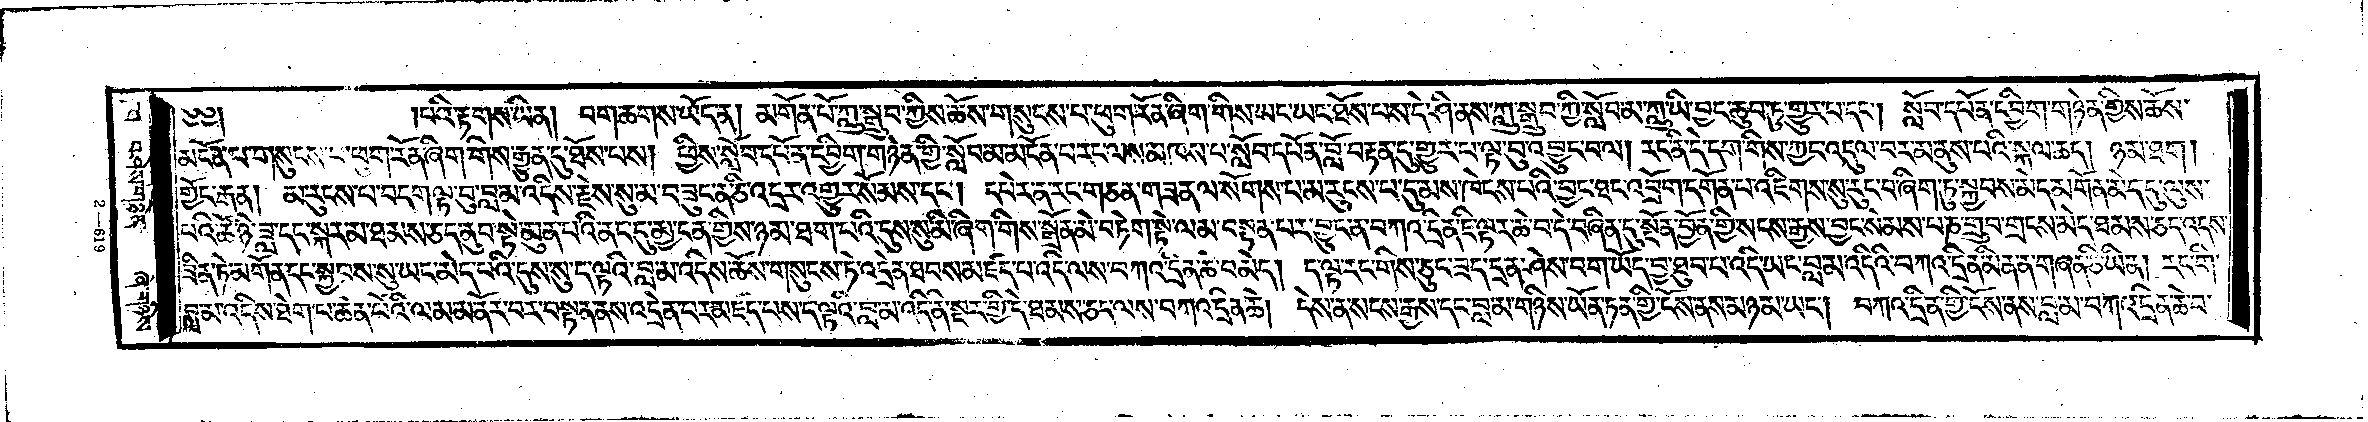༄༅། །པའི་རྟགས་ཡིན། བག་ཆགས་ཡོད་ན། མགོན་པོ་ཀླུ་སྒྲུབ་ཀྱིས་ཆོས་གསུངས་པ་ཕུག་རོན་ཞིག་གིས་ཡང་ཡང་ཐོས་པས་དེ་ཤི་ནས་ཀླུ་སྒྲུབ་ཀྱི་སློབ་མ་ཀླུ་ཡི་བྱང་ཆུབ་ཏུ་གྱུར་པ་དང་། སློབ་དཔོན་དབྱིག་གཉེན་གྱིས་ཆོས་
མངོན་པ་གསུངས་ཕ་ཕུག་རོན་ཞིག་གིས་རྒྱུན་དུ་ཐོས་པས། ཕྱིས་སློབ་དཔོན་དབྱིག་གཉེན་གྱི་སློབ་མ་མངོན་པ་རང་ལས་མཁས་པ་སློབ་དཔོན་བློ་བརྟན་དུ་གྱུར་པ་ལྟ་བུ་འབྱུང་བ་ལ། རང་ནི་དེ་དག་གིས་ཀྱང་འདུལ་བར་མ་ནུས་པའི་སྐལ་ཆད། ཉམ་ཐག །
གྱོང་རྒན། མ་རུངས་པ་བདག་ལྟ་བུ་བླ་མ་འདིས་རྗེས་སུ་མ་བཟུང་ན་ཅི་འདྲར་འགྱུར་སོམས་དང་། དཔེར་ན་རང་གཅན་གཟན་ལ་སོགས་པ་མ་རུངས་པ་དུ་མས་ཁེངས་པའི་བྱང་ཐང་འབྲོག་དགོན་པ་འཇིགས་སུ་རུང་བ་ཞིག་ཏུ་སྐྱབས་མེད་མགོན་མེད་དུ་ལུས་
པའི་ཚེ་ཉི་ཟླ་དང་སྐར་མ་ཐམས་ཅད་ནུབ་སྟེ་མུན་པའི་ནང་དུ་མྱ་ངན་གྱིས་ཉམ་ཐག་པའི་དུས་སུ་མི་ཞིག་གིས་སྒྲོན་མེ་བཏེག་སྟེ་ལམ་བསྟན་པར་བྱུང་ན་བཀའ་དྲིན་ཇི་ལྟར་ཆེ་བ་དེ་བཞིན་དུ་སྔོན་བྱོན་གྱི་སངས་རྒྱས་བྱང་སེམས་པཎ་གྲུབ་གྲངས་མེད་ཐམས་ཅད་འདས་
ཟིན་ཏེ་མགོན་དང་སྐྱབས་སུ་ཡང་མེད་པའི་དུས་སུ་ད་ལྟའི་བླ་མ་འདིས་ཆོས་གསུངས་ཏེ་འདྲེན་ཐབས་མཛད་པ་འདི་ལས་བཀའ་དྲིན་ཆེ་བ་མེད། ད་ལྟ་རང་གིས་ཅུང་ཟད་དྲན་ཤེས་བག་ཡོད་བྱ་ཐུབ་པ་འདི་ཡང་བླ་མ་འདིའི་བཀའ་དྲིན་མིན་ན་གཞན་ཅི་ཡིན། རང་གི་
བླ་མ་འདིས་ཐེག་པ་ཆེན་པོའི་ལམ་མ་ནོར་བར་བསྟན་ནས་འདྲེན་པར་མཛད་པས་ད་ལྟའི་བླ་མ་འདི་ནི་སྔར་གྱི་དེ་ཐམས་ཅད་ལས་བཀའ་དྲིན་ཆེ། དེས་ན་སངས་རྒྱས་དང་བླ་མ་གཉིས་ཡོན་ཏན་གྱི་ངོས་ནས་མཉམ་ཡང་། བཀའ་དྲིན་གྱི་ངོས་ནས་བླ་མ་བཀའ་དྲིན་ཆེ་བ་